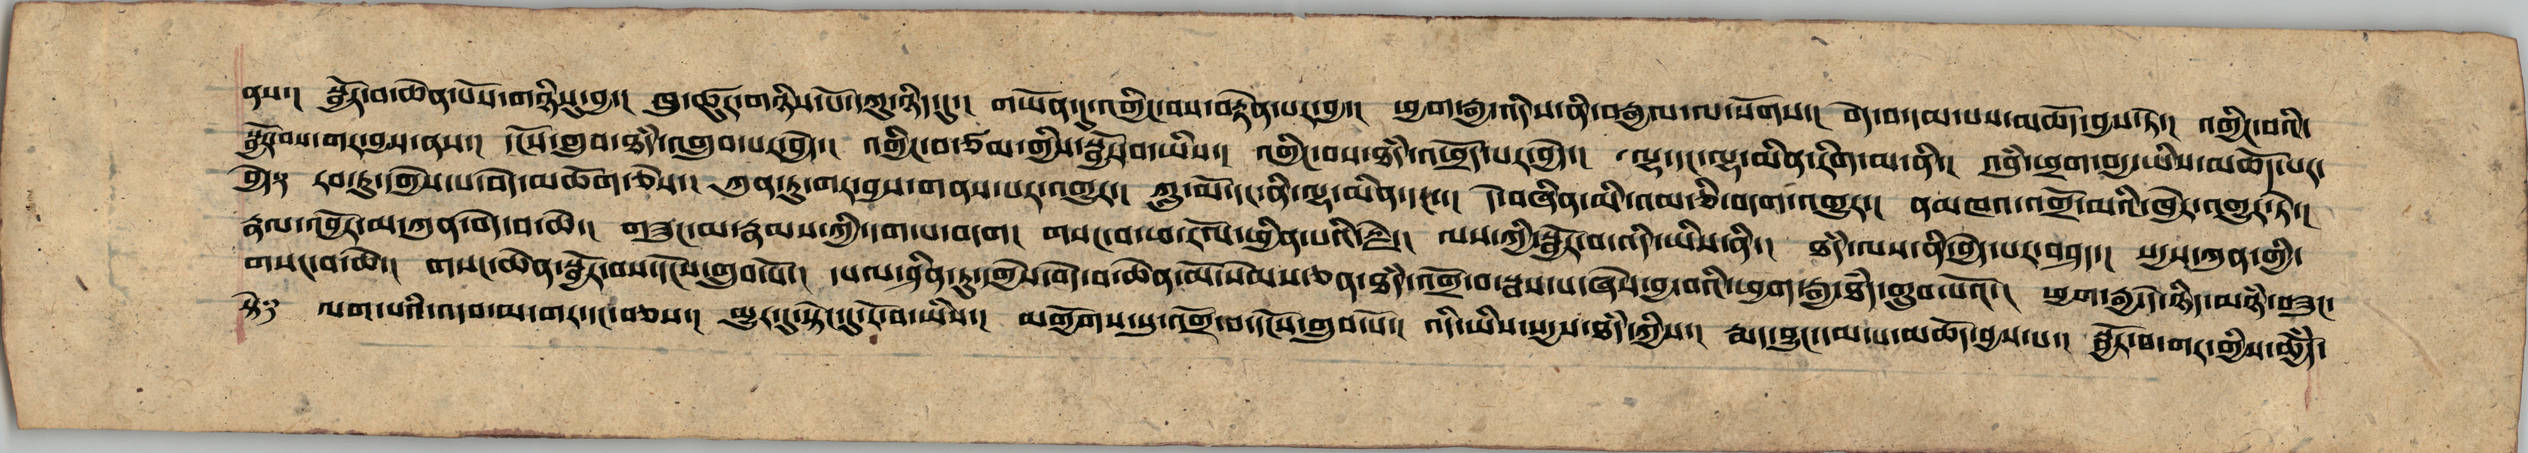ནས་། སྦྱོར་བ་ཆེན་པོས་གཉིསུ་བྱ་། ཁུ་ཚུར་གཉིས་པོ་དཀུ་ཉིད་དུ་། གཡོན་དུ་འགྱིང་བས་བརྟེན་པར་བྱ་། ཕྱག་རྒྱ་འདིས་ནི་བརྒྱལ་ལ་སོགས་། བདེ་བ་དམ་པས་མཆོད་བྱས་ཏེ་། འགྱིང་བའི་
སྦྱོར་བས་གར་བྱས་ནས་། དངོས་གྲུབ་ཐཾད་འགྲུབ་པར་བྱེད་། འགྱིང་བ་ཙམ་གྱིས་སྦྱོར་བ་ཡིས་། འགྱིང་བས་ཐཾད་འཕྲོད་པར་བྱེད་། ལྷ་དང་ལྷ་མིན་རིག་མ་ནི་། འབུཾ་ཕྲག་བདྱ་ཡིས་མཆོད་པར་
བྱེད༑ རབ་ཏུ་དགྱེས་པ་བདེ་མཆོག་ཅེས་། ཀུན་ཏུ་གར་བྱས་གནས་པར་འགྱུར་། ཀླུ་མོ་དང་ནི་ལྷ་མིན་དང་་། དེ་བཞིན་མི་འམ་ཅི་བདག་འགྱུར་། ནམཁའ་འགྲོ་མའི་ཁྱེར་འགྱུར་ཏེ་།
རྣལ་འབྱོར་མ་ཀུན་བདེ་བ་ཆེ་། གཟུང་མ་རྣམས་ཀྱི་དག་པ་བདག་། གསང་བ་ཕ་རོལ་ཕྱིན་པའི་རྗེ་། ལས་ཀྱི་སྦྱོར་བ་འདི་ཡིས་ནི་། ཐཾད་ལས་ནི་བྱེད་པར་བཤད་། སདྱས་ཀུན་གྱི་
གསང་བ་ཆེ་། གསང་ཆེན་སྦྱོར་བས་དངོས་གྲུབ་པོ་། དཔལ་ཤིན་ཏུ་དགྱེས་བདེ་བ་ཆེན་མོ་སེམས་ཅན་ཐཾད་འགྲོ་བ་སྦས་པ་ཞེས་བྱ་བའི་ཕྱག་རྒྱ་ཐཾད་གྲུབ་པའོ་། ཕྱག་རྒྱ་དེ་ཉིད་མཉཾ་བཟུང་
སྟེ༑ ལག་པའི་འདབ་མ་གར་དང་བཅས་། མྱུར་དུ་སྟེང་དུ་རོ་བ་ཡིས་། མགྱོགས་སུ་འགྲོ་བ་དངོས་གྲུབ་པོ་། འདི་ཡིས་སདྱས་ཐཾད་ཀྱིས་། རྨད་བྱུང་དམ་པ་མཆོད་བྱས་པ་། སྦྱོར་བ་གར་གྱིས་ཆྱོིད་